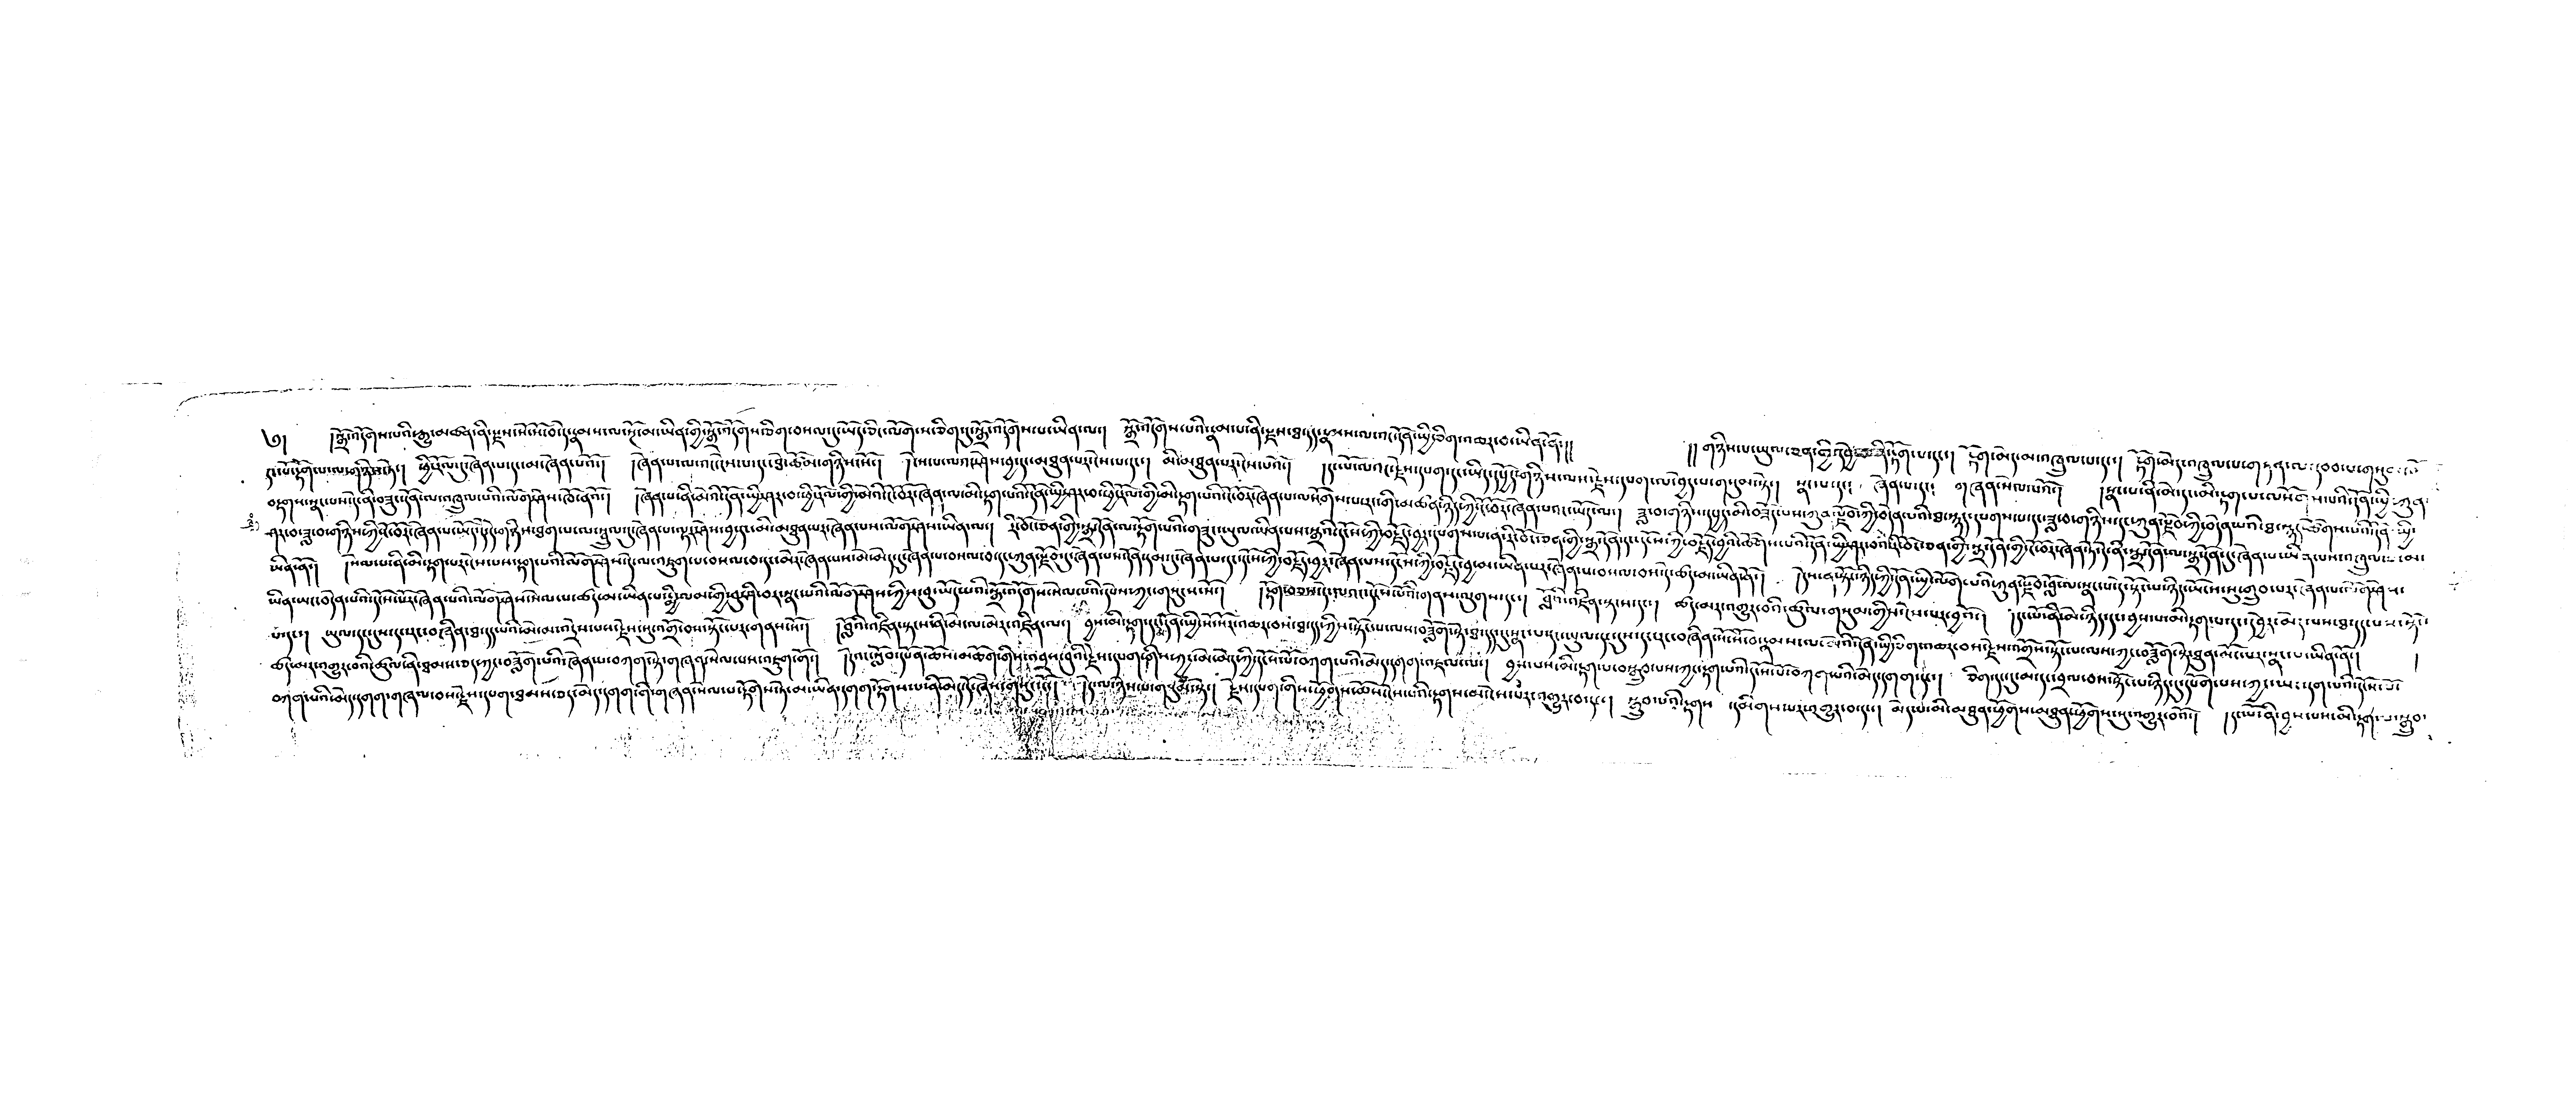༈། །སྒྲོ་འདོགས་པའི་རྒྱུ་མཚན་ནི་རྫས་སོ་སོ་བ་དེ་རྣམས་ལ་སྔོ་མ་ཡིན་གྱི་སྒྲོ་འདོགས་ཅིག་བསལ་དུ་ཡོད་ཅིང་ལོག་ས་ཅིག་དུ་སྒྲོ་འདོགས་པ་ཡིན་ལ། སྒྲོ་འདོགས་པའི་རྣམ་པ་ནི་རྫས་ཐ་དད་རྣམས་ལ་འང་དོན་སྤྱི་ཅིག་འཆར་བ་ཡིན་ནོ།། །།གཉིས་པ་ཡུལ་ཅན་གྱི་དབྱེ་བ་ནི་རྟོག་པ་དང་། རྟོག་མེད་མ་འཁྲུལ་པ་དང་། རྟོག་མེད་འཁྲུལ་པ་གཏན་ལ་དབབ་པ་གསུམ་མོ།།
དང་པོ་རྟོག་པ་ལ་གཉིས་ཏེ། ཕྱི་རོལ་དུ་ཞེན་པ་དང་མ་ཞེན་པའོ། །ཞེན་པ་ལ་འང་ངེས་པ་དང་ཐེ་ཚོམ་གཉིས་སོ། །ངེས་པ་ལའང་ཤེས་བྱ་དང་མཐུན་པར་ངེས་པ་དང་། མི་མཐུན་པར་ངེས་པའོ། །དང་པོ་ལའང་རྗེས་དཔག་དང་ཡིད་དཔྱོད་གཉིས་ལས་རྗེས་དཔག་ལ་བྱེད་པ་གསུམ་སྟེ། སྣང་པ་དང་། ཞེན་པ་དང་། གཞན་སེལ་པའོ། །སྣང་པ་ནི་མེ་དང་མི་རྟག་པ་ལ་སོགས་པའི་དོན་སྤྱི་ཀུན་
བརྟགས་སྣང་པས་དེ་ནི་བཟུང་དོན་ལ་འཁྲུལ་པའི་ལོག་ཤེས་ཁོ་ནའོ། །ཞེན་པ་ནི་མེའི་དོན་སྤྱི་ཤར་བ་ཕྱི་རོལ་གྱི་མེའི་ངོ་བོར་ཞེན་ལ་མི་རྟག་པའི་དོན་སྤྱི་ཤར་བ་ཕྱི་རོལ་གྱི་མི་རྟག་པའི་ངོ་བོར་ཞེན་པ་ལ་སོགས་པ་རང་གི་མཚན་ཉིད་ཀྱི་ངོ་བོར་ཞེན་པའང་ཡོད་ལ། ཟླ་བ་གཉིས་དཔྱད་མི་བཟོད་པས་ཀུན་རྫོབ་ཀྱི་བདེན་པའི་ཐ་སྙད་དཔགས་པ་དང་ཟླ་བ་གཉིས་དང་ཀུན་རྫོབ་ཀྱི་བདེན་པའི་ཐ་སྙད་ཚོགས་པའི་དོན་སྤྱི་
ཤར་བ་ཟླ་བ་གཉིས་ཀྱི་ངོ་བོར་ཞེན་པ་ཡོད་ད་དེ་གཉིས་ཐག་པ་ལ་སྦྲུལ་དུ་ཞེན་པ་ལྟར་ཤེས་བྱ་དང་མི་མཐུན་པར་ཞེན་པས་ལོག་ཤེས་ཡིན་ལ། རི་བོང་ཅན་གྱི་སྒྲ་དོན་ལ་རྟོག་པའི་གཟུང་ཡུལ་ཡིན་པས་སྒྲའི་དངོས་ཀྱི་བརྗོད་བྱར་དཔགས་པ་ན་རི་བོང་ཅན་གྱི་སྒྲ་དོན་དང་དངོས་ཀྱི་བརྗོད་བྱའི་ཚོགས་པའི་དོན་སྤྱི་ཤར་བའི་རི་བོང་ཅན་གྱི་སྒྲ་དོན་གྱི་ངོ་བོར་ཞེན་ཏེ་དེ་ནི་སྒྲ་དོན་ལ་སྒྲ་དོན་དུ་ཞེན་པ་ཡིན་པས་འཁྲུལ་པ་མ་
ཡིན་ནོ། །སེམ་པ་ནི་མི་རྟག་པར་ངེས་པས་རྟག་པའི་ལོག་ཤེས་དེ་ལ་འཇུག་པ་བསལ་བ་དང་མེར་ཞེན་པས་མེ་མེད་དུ་ཞེན་པ་བསལ་བ་དང་ཀུན་རྫོབ་དུ་ཞེན་པས་དོན་དམ་དུ་ཞེན་པ་དང་དངོས་ཀྱི་བརྗོད་བྱར་ཞེན་པས་དངོས་ཀྱི་བརྗོད་བྱ་མ་ཡིན་པར་ཞེན་པ་བསལ་བས་དེ་ཚད་མ་ཡིན་ནོ། །དེས་ན་སྟོང་ཉིད་ཀྱི་དོན་སྤྱི་ལོག་པའི་ཀུན་རྫོབ་བློ་ལ་སྣང་པ་དེ་སྟོང་པ་ཉིད་ཡོངས་སུ་གྲུབ་པར་ཞེན་པ་ལོག་ཤེས་
ཡིན་ཡང་བདེན་པའི་དངོས་པོར་ཞེན་པའི་ལོག་ཤེས་སེམ་པ་ཚད་མ་ཡིན་པ་རྨྱི་ལམ་གྱི་བུ་ཤི་བར་སྣང་པའི་ལོག་ཤེས་ཀྱིས་བུ་ཡོད་པའི་སྒྲོ་འདོགས་སེལ་པའི་དཔེས་ཀྱང་གསུངས་སོ། །རྟོག་བཅས་དེ་ལའང་དངོས་པོའི་གནས་ལུགས་དང་། བློའི་འཛིན་སྟངས་དང་། ཚད་མར་འགྱུར་བའི་ཚུལ་གསུམ་གྱིས་ངེས་པར་བྱའོ། །དང་པོ་ནི་མེ་ཉིད་དང་བྱས་པ་མི་རྟག་པ་དང་དབྱེར་མེད་པས་ཐ་དད་པས་སྟོང་
པ་དང་། ཡུལ་དང་དུས་དང་རང་བཞིན་ཐ་དད་པའི་མེ་མ་འདྲེས་པས་རྗེས་སུ་འགྲོ་བས་སྟོང་པར་གནས་སོ། །བློའི་འཛིན་སྟངས་ནི་མེ་ལ་མེར་འཛིན་ལ། བྱས་མི་རྟག་དང་མ་དོན་སྤྱི་སོ་སོར་འཆར་བས་ཐ་དད་ཀྱིས་སྟོང་པ་ལས་བཟློག་སྟེ་ཐ་དད་དུ་སྣང་པ་དང་ཡུལ་དང་དུས་དང་རང་བཞིན་སོ་སོ་བ་རྣམས་ལ་མེའི་དོན་སྤྱི་ཅིག་འཆར་བས་རྗེས་འགྲོས་སྟོང་པ་ལས་ཀྱང་བཟློག་སྟེ་ཐུན་མོང་པར་སྣང་པ་ཡིན་ནོ། །
ཚད་མར་འགྱུར་བའི་ཚུལ་ནི་ཐམས་ཅད་ཀྱང་བཟློག་པའི་ཞེན་པ་བཀག་སྟེ་གཞན་སེལ་པས་འཇུག་གོ། །དེའང་སློབ་དཔོན་ཆོས་མཆོག་གིས་འབྲས་བུའི་རྗེས་དཔག་གིས་ཀྱང་མེ་མེད་ཀྱི་དངོས་པོ་བཀག་པའི་མེད་དགག་འཇལ་ལ། བྱས་པས་མི་རྟག་པ་བསྒྲུབ་པས་ཀྱང་རྟག་པའི་དངོས་པོ་བཀག་པའི་མེད་དགག་དང་། ཅིག་དང་དུ་མ་དང་བྲལ་བས་སྟོང་པ་ཉིད་དུ་དཔོག་པས་ཀྱང་ཡང་དག་པའི་དངོས་པོ་
བཀག་པའི་མེད་དགག་གཞལ་བས་རྗེས་དཔག་ཐམས་ཅད་མེད་དགག་གི་གཞན་སེལ་པ་རྟོགས་ཏེ་མ་ཡིན་དགག་རྟོགས་པ་ནི་མེད་དོ་ཞེས་གསུང་ངོ། །དེ་ལ་ཉེས་པ་གསུམ་སྟེ། རྗེས་དཔག་གིས་ཕྱོགས་ཆོས་ངེས་པའི་རྟགས་མ་ངེས་པར་འགྱུར་བ་དང་། སྒྲུབ་པའི་རྟགས་དམིགས་པར་འགྱུར་བ་དང་། མེད་པ་མི་མཐུན་ཕྱོགས་མཐུན་ཕྱོགས་སུ་འགྱུར་བའོ། །དང་པོ་ནི་བྱས་པས་མི་རྟག་པ་སྒྲུབ་